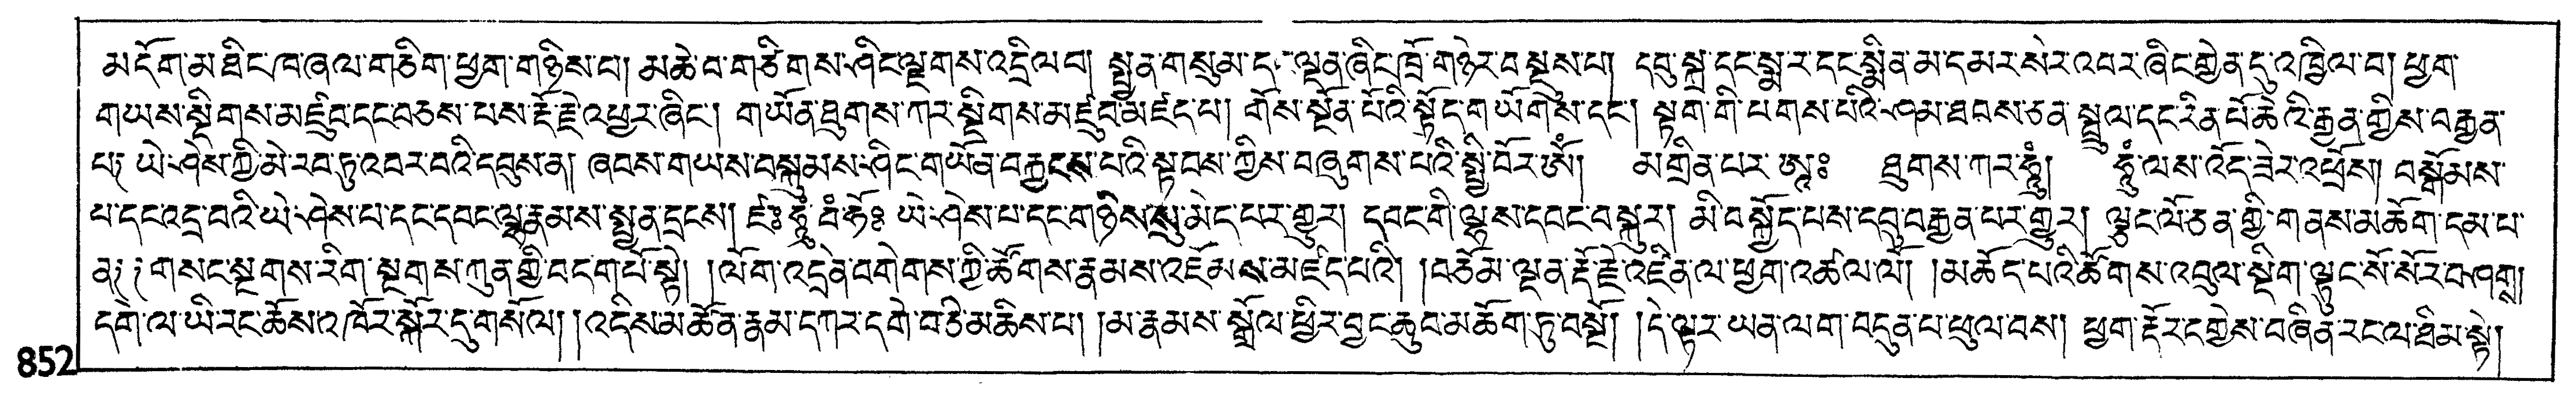མདོག་མཐིང་ཁ་ཞལ་གཅིག་ཕྱག་གཉིས་པ། མཆེ་བ་གཙིགས་ཤིང་ལྗགས་འདྲིལ་བ། སྤྱན་གསུམ་དང་ལྡན་ཞིང་ཁྲོ་གཉེར་བསྡུས་པ། དབུ་སྐྲ་དང་སྨ་ར་དང་སྨིན་མ་དམར་སེར་འབར་ཞིང་གྱེན་དུ་འཁྱིལ་བ། ཕྱག་
གཡས་སྡིགས་མཛུབ་དང་བཅས་པས་རྡོ་རྗེ་འཕྱར་ཞིང་། གཡོན་ཐུགས་ཀར་སྡིགས་མཛུབ་མཛད་པ། གོས་སྔོན་པོའི་སྟོད་གཡོགས་དང་། སྟག་གི་པགས་པའི་ཤམ་ཐབས་ཅན་སྤྲུལ་དང་རིན་པོ་ཆེའི་རྒྱན་གྱིས་བརྒྱན་
པ། ཡེ་ཤེས་ཀྱི་མེ་རབ་ཏུ་འབར་བའི་དབུས་ན། ཞབས་གཡས་བསྐུམས་ཤིང་གཡོན་བརྐྱངས་པའི་སྟབས་ཀྱིས་བཞུགས་པའི་སྤྱི་བོར་ཨོཾ། མགྲིན་པར་ཨཱཿ ཐུགས་ཀར་ཧཱུཾ། ཧཱུཾ་ལས་འོད་ཟེར་འཕྲོས། བསྒོམས་
པ་དང་འདྲ་བའི་ཡེ་ཤེས་པ་དང་དབང་ལྷ་རྣམས་སྤྱན་དྲངས། ཛཿ ཧཱུཾ་བཾ་ཧོཿ ཡེ་ཤེས་པ་དང་གཉིས་སུ་མེད་པར་གྱུར། དབང་གི་ལྷས་དབང་བསྐུར། མི་བསྐྱོད་པས་དབུ་བརྒྱན་པར་གྱུར། ལྕང་ལོ་ཅན་གྱི་གནས་མཆོག་དམ་པ་
ན། །གསང་སྔགས་རིག་སྔགས་ཀུན་གྱི་བདག་པོ་སྟེ། །ལོག་འདྲེན་བགེགས་ཀྱི་ཚོགས་རྣམས་འཇོམས་མཛད་པའི། །བཅོམ་ལྡན་རྡོ་རྗེ་འཛིན་ལ་ཕྱག་འཚལ་ལོ། །མཆོད་པའི་ཚོགས་འབུལ་སྡིག་ལྟུང་སོ་སོར་བཤགས།
དགེ་ལ་ཡི་རང་ཆོས་འཁོར་སྐོར་དུ་གསོལ། །འདིས་མཚོན་རྣམ་དཀར་དགེ་བ་ཅི་མཆིས་པ། །མ་རྣམས་སྒྲོལ་ཕྱིར་བྱང་ཆུབ་མཆོག་ཏུ་བསྔོ། །དེ་ལྟར་ཡན་ལག་བདུན་པ་ཕུལ་བས། ཕྱག་རྡོར་དགྱེས་བཞིན་རང་ལ་ཐིམ་སྟེ།